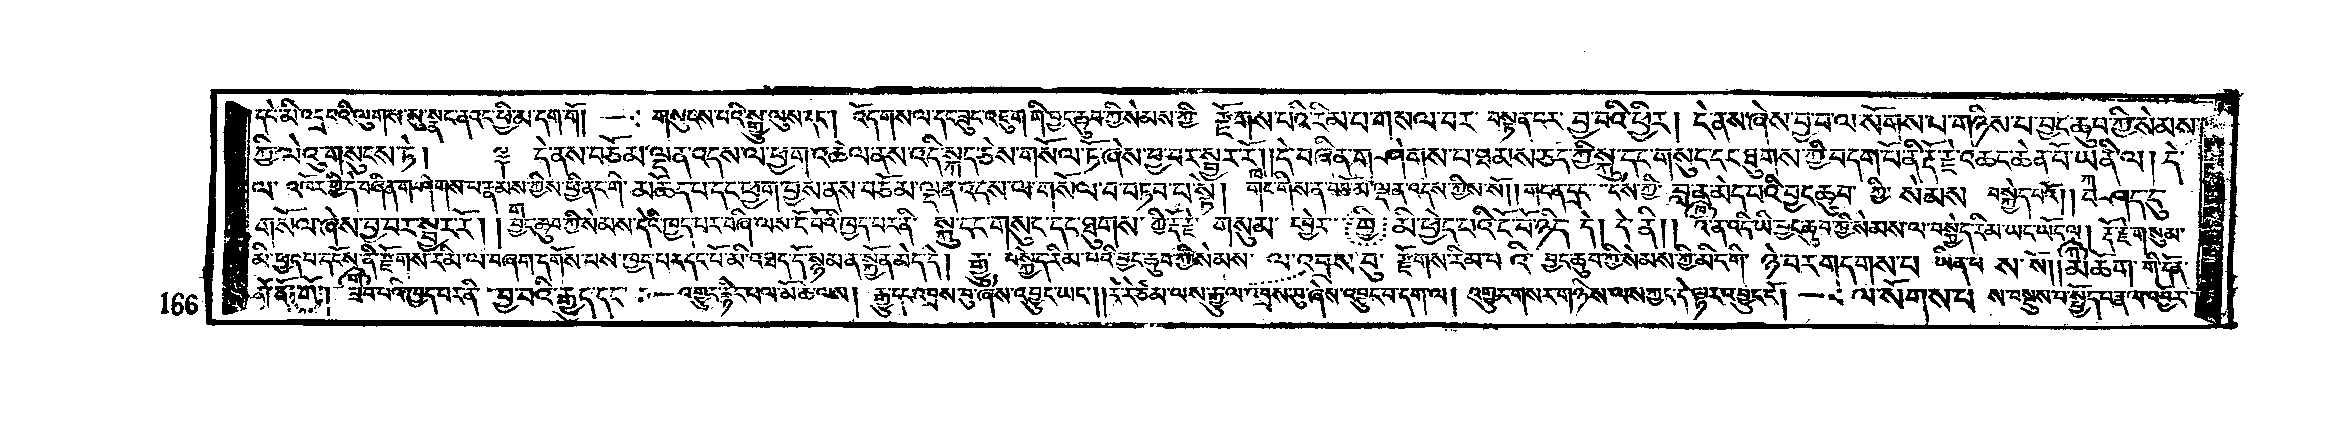དཔེ་མི་འདྲ་བའི་ལུགས་སུ་སྣང་ནའང་ཕྱི་མ་དག་གོ ། .H གསུངས་པའི་སྒྱུ་ལུས་དང་། འོད་གསལ་དང་ཟུང་འཇུག་གི་བྱང་ཆུབ་ཀྱི་སེམས་ཀྱི་རྫོགས་པའི་རིམ་པ་གསལ་བར་བསྟན་པར་བྱ་བའི་ཕྱིར། དེ་ནས་ཞེས་བྱ་བ་ལ་སོགས་པ་གཉིས་པ་བྱང་ཆུབ་ཀྱི་སེམས་
ཀྱི་ལེའུ་གསུངས་ཏེ། ༈ དེ་ནས་བཅོམ་ལྡན་འདས་ལ་ཕྱག་འཚལ་ནས་འདི་སྐད་ཅེས་གསོལ་ཏོ་ཞེས་བྱ་བར་སྦྱར་རོ། །དེ་བཞིན་གཤེགས་པ་ཐམས་ཅད་ཀྱི་སྐུ་དང་གསུང་དང་ཐུགས་ཀྱི་བདག་པོ་ནི་རྡོ་རྗེ་འཆང་ཆེན་པོ་ཡིན་ལ། དེ་
ལ་འཁོར་གྱི་དེ་བཞིན་གཤེགས་པ་རྣམས་ཀྱིས་ཕྱི་ནང་གི་མཆོད་པ་དང་ཕྱག་བྱས་ནས་བཅོམ་ལྡན་འདས་ལ་གསོལ་བ་བཏབ་པ་སྟེ། ཁ་གང་གིས་ན་བཅོམ་ལྡན་འདས་ཀྱིས་སོ། །གང་ན་དྲང་ངེས་ཀྱི་བླ་ན་མེད་པའི་བྱང་ཆུབ་ཀྱི་སེམས་བསྐྱེད་པའོ། །ཀ་བཤད་དུ་
གསོལ་ཞེས་བྱ་བར་སྦྱར་རོ། ། ག་བྱང་ཆུབ་ཀྱི་སེམས་དེའི་ཁྱད་པར་བཞི་ལས་ངོ་བོའི་ཁྱད་པར་ནི་སྐུ་དང་གསུང་དང་ཐུགས་ཀྱི་རྡོ་རྗེ་གསུམ་དབྱེར་གྱི་མི་ཕྱེད་པའི་ངོ་བོ་ཉིད་དེ། དེ་ནི། །?ཁ྄་འོ་ན་འདི་ཡི་བྱང་ཆུབ་ཀྱི་སེམས་ལ་བསྐྱེད་རིམ་ཡང་ཡོད་ལ། རྡོ་རྗེ་གསུམ་
མི་ཕྱེད་པ་དངོས་ནི་རྫོགས་རིམ་ལ་བཞག་དགོས་པས་ཁྱད་པར་དང་པོ་མི་འཐད་དོ་སྙམ་ན་སྐྱོན་མེད་དེ། རྒྱུ་བསྐྱེད་རིམ་པའི་བྱང་ཆུབ་ཀྱི་སེམས་ལ་འབྲས་བུ་རྫོགས་རིམ་པའི་བྱང་ཆུབ་ཀྱི་སེམས་ཀྱི་མིང་གི་ཉེ་བར་གདགས་པ་ཡིན་པ་ས་སོ། །?ཀ?་མཆོག་གི་དོན་
ནོ་གོ། ?ག྄་ཟབ་པའི་ཁྱད་པར་ནི་བྱ་བའི་རྒྱུད་དང་H.་འགྱུར་རྙིང་ཕལ་མོ་ཆེ་ལས། རྒྱུ་དང་འབྲས་བུ་ཞེས་འབྱུང་ཡང་། །རེ་རེ་ཙམ་ལས་རྒྱུ་ལ་འབྲས་བུ་ཞེས་འབྱུང་བ་དག་ལ། འགྱུར་གསར་གཉིས་ལས་ཀྱང་དེ་ལྟར་འབྱུང་ངོ། .H ལ་སོགས་པས་བསྡུས་པ་སྤྱོད་པ་རྣལ་འབྱོར་